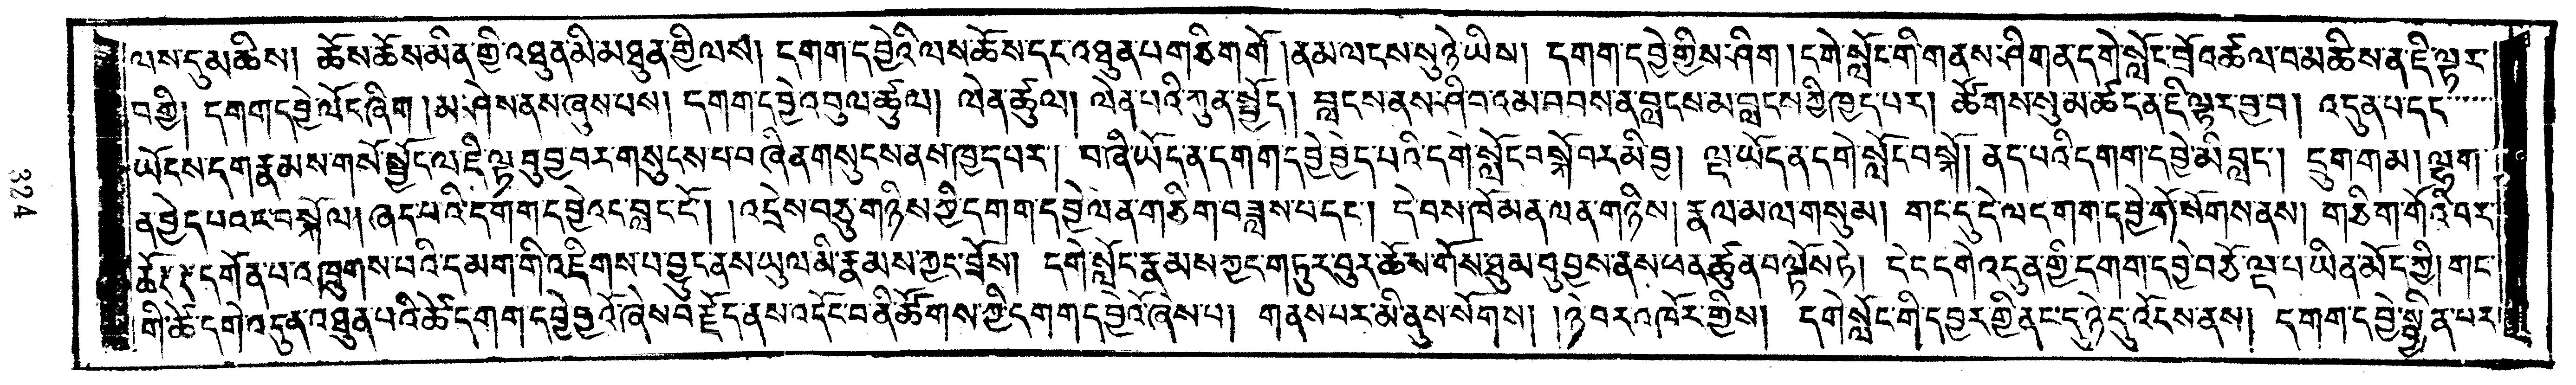ལས་དུ་མཆིས། ཆོས་ཆོས་མིན་གྱི་འཐུན་མི་མཐུན་གྱི་ལས། དགག་དབྱེའི་ལས་ཆོས་དང་འཐུན་པ་གཅིག་གོ །ནམ་ལངས་སུ་ཉེ་ཡིས། དགག་དབྱེ་གྱིས་ཤིག །དགེ་སློང་གི་གནས་ཤིག་ན་དགེ་སློང་བྲོ་འཚལ་བ་མཆིས་ན་ཇི་ལྟར་
བགྱི། དགག་དབྱེ་ལོང་ཞིག །མ་ཤེས་ནས་ཞུས་པས། དགག་དབྱེ་འབུལ་ཚུལ། ལེན་ཚུལ། ལེན་པའི་ཀུན་སྤྱོད། བླངས་ནས་ཤི་བའམ་བབས་ན་བླངས་མ་བླངས་ཀྱི་ཁྱད་པར། ཚོགས་སུ་མ་ཚང་ན་ཇི་ལྟར་བྱ་བ། འདུན་པ་དང་
ཡོངས་དག་རྣམས་གསོ་སྦྱོང་ལ་ཇི་ལྟ་བུ་བྱ་བར་གསུངས་པ་བཞིན་གསུངས་ནས་ཁྱད་པར། བཞི་ཡོད་ན་དགག་དབྱེ་བྱེད་པའི་དགེ་སློང་བསྐོ་བར་མི་བྱ། ལྔ་ཡོད་ན་དགེ་སློང་བསྐོ། ནད་པའི་དགག་དབྱེ་མི་བླང་། དྲུག་གམ། ལྷག་
ན་བྱེད་པའང་བསྐོལ། ཞད་པའི་དགག་དབྱེའང་བླང་ངོ། །འདྲེས་བཅུ་གཉིས་ཀྱི་དགག་དབྱེ་ལན་གཅིག་བཟླས་པ་དང་། དེ་བས་ཁོམ་ན་ལན་གཉིས། རྣལ་མ་ལ་གསུམ། གང་དུ་དེ་ལ་དགག་དབྱེ་གོ་སོགས་ནས། གཅིག་གོའི་བར་
ཆོ༑ ༑དགོན་པ་འཁྲུགས་པའི་དམག་གི་འཇིགས་པ་བྱུང་ནས་ཡུལ་མི་རྣམས་ཀྱང་བྲོས། དགེ་སློང་རྣམས་ཀྱང་གཏུར་བུར་ཆོས་གོས་ཐུམ་བུ་བྱས་ནས་ཕན་ཚུན་བལྟོས་ཏེ། དེང་དགེ་འདུན་གྱི་དགག་དབྱེ་བཅོ་ལྔ་པ་ཡིན་མོད་ཀྱི། གང་
གི་ཚེ་དགེ་འདུན་འཐུན་པའི་ཚེ་དགག་དབྱེ་བྱའོ་ཞེས་བརྗོད་ནས་འདོང་བ་ནི་ཚོགས་ཀྱི་དགག་དབྱེ་བྱའོ་ཞེས་པ། གནས་པར་མི་ནུས་སོགས། །ཉེ་བར་འཁོར་གྱིས། དགེ་སློང་གི་དབྱར་གྱི་ནང་དུ་ཉེ་དུ་འོངས་ནས། དགག་དབྱེ་སྦྱིན་པར་